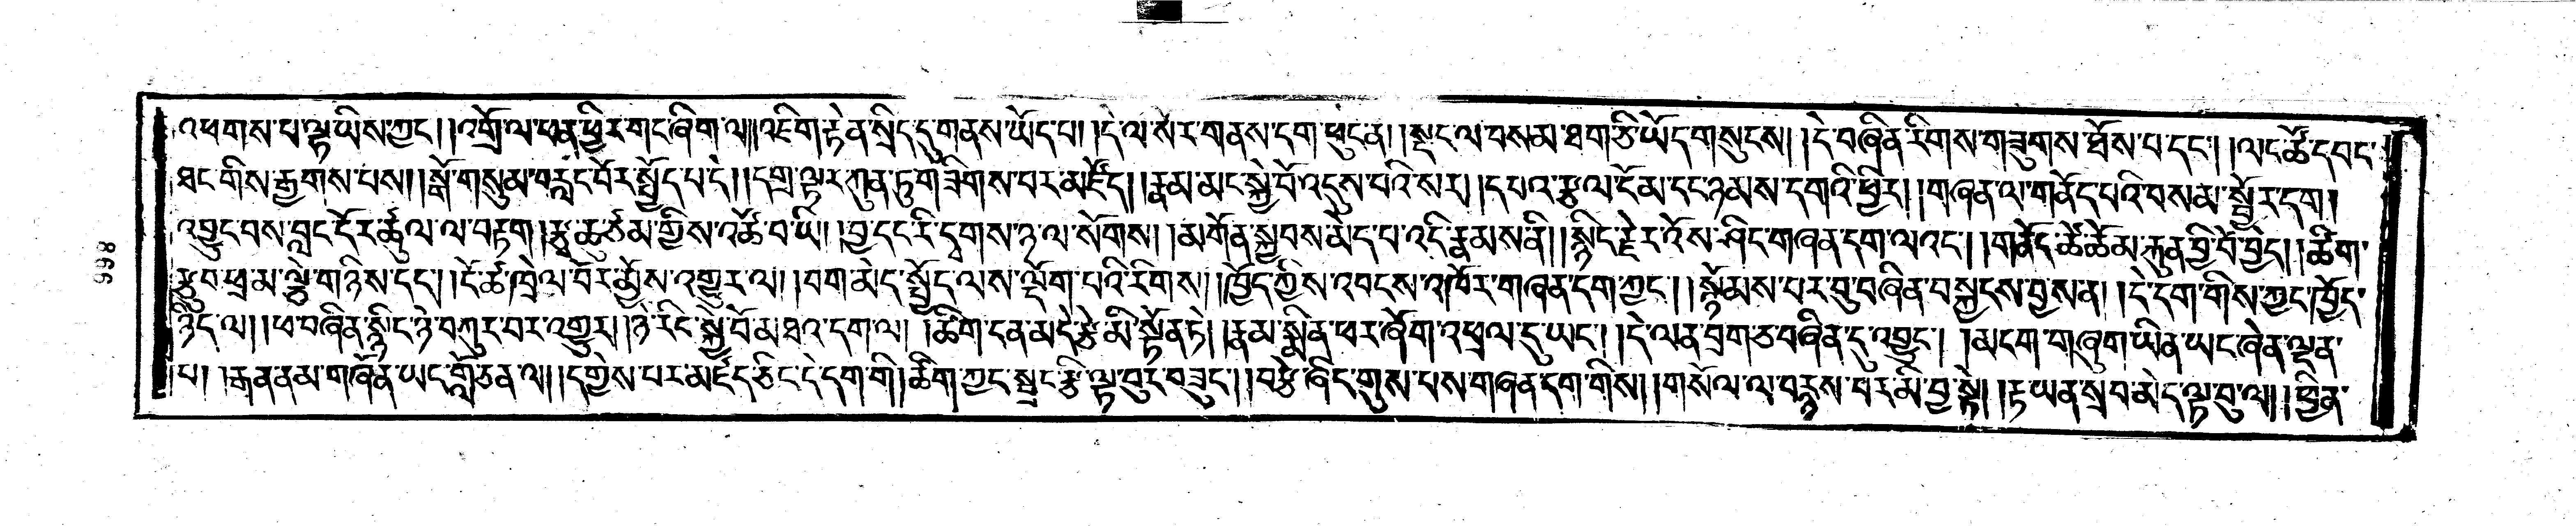འཕགས་པ་ལྷ་ཡིས་ཀྱང་། །འགྲོ་ལ་ཕན་ཕྱིར་གང་ཞིག་ལ། །འཇིག་རྟེན་སྲིད་དུ་གནས་ཡོད་པ། །དེ་ལ་སོར་གནས་དག་ཕུང་ན། །སྡང་ལ་བསམ་ཐག་ཅི་ཡོད་གསུངས། །དེ་བཞིན་རིགས་གཟུགས་ཐོས་པ་དང་། །ལང་ཚོ་དབང་
ཐང་གིས་རྒྱགས་པས། །སྒོ་གསུམ་བརླང་པོར་སྤྱོད་པ་དེ། །དགྲ་ལྟར་ཀུན་ཏུ་གཟིགས་པར་མཛོད། །རྣམ་མང་སྐྱེ་བོ་འདུས་པའི་སར། །དཔའ་རྩལ་ངོམ་དང་ཉམས་དགའི་ཕྱིར། །གཞན་ལ་གནོད་པའི་བསམ་སྦྱོར་དག །
འབྱུང་བས་བླང་དོར་ཚུལ་ལ་བརྟག །རྩ་ཆུ་ཙམ་གྱིས་འཚོ་བ་ཡི། །བྱ་དང་རི་དྭགས་ཉ་ལ་སོགས། །མགོན་སྐྱབས་མེད་པ་འདི་རྣམས་ནི། །སྙིང་རྗེར་འོས་ཤིང་གཞན་དག་ལའང་། །གནོད་ཚེ་ཆོམ་རྐུན་བྱི་བོ་བྱེད། །ཚིག་
རྩུབ་ཕྲ་མ་ལྕེ་གཉིས་དང་། །ངོ་ཚ་ཁྲེལ་བོར་མྱོས་འགྱུར་ལ། །བག་མེད་སྤྱོད་ལས་ལྡོག་པའི་རིགས། །ཁྱོད་ཀྱིས་འབངས་འཁོར་གཞན་དག་ཀྱང་། །སྙོམས་པར་བུ་བཞིན་བསྐྱངས་བྱས་ན། །དེ་དག་གིས་ཀྱང་ཁྱོད་
ཉིད་ལ། །ཕ་བཞིན་སྙིང་ཉེ་བཀུར་བར་འགྱུར། །ཉེ་རིང་སྐྱེ་བོ་མཐའ་དག་ལ། །ཚིག་ངན་མེད་རྩེ་མི་སྟོན་ཏེ། །རྣམ་སྨིན་ཕར་ཞོག་འཕྲལ་དུ་ཡང་། །དེ་ལན་བྲག་ཅ་བཞིན་དུ་འབྱུང་། །མངག་གཞུག་ཡིན་ཡང་ཞེན་ལྡན་
པ། །རྒན་ནམ་གཞོན་ཡང་གློ་ཅན་ལ། །དགྱེས་པར་མཛད་ཅིང་དེ་དག་གི །ཚིག་ཀྱང་སྦྲང་རྩི་ལྟ་བུར་བཟུང་། །བརྩེ་ཞིང་གུས་པས་གཞན་དག་གིས། །གསོལ་ལ་བརྙས་པར་མི་བྱ་སྟེ། །རྟ་ཡན་སྲབ་མེད་ལྟ་བུ་ལ། །ཕྱིན་